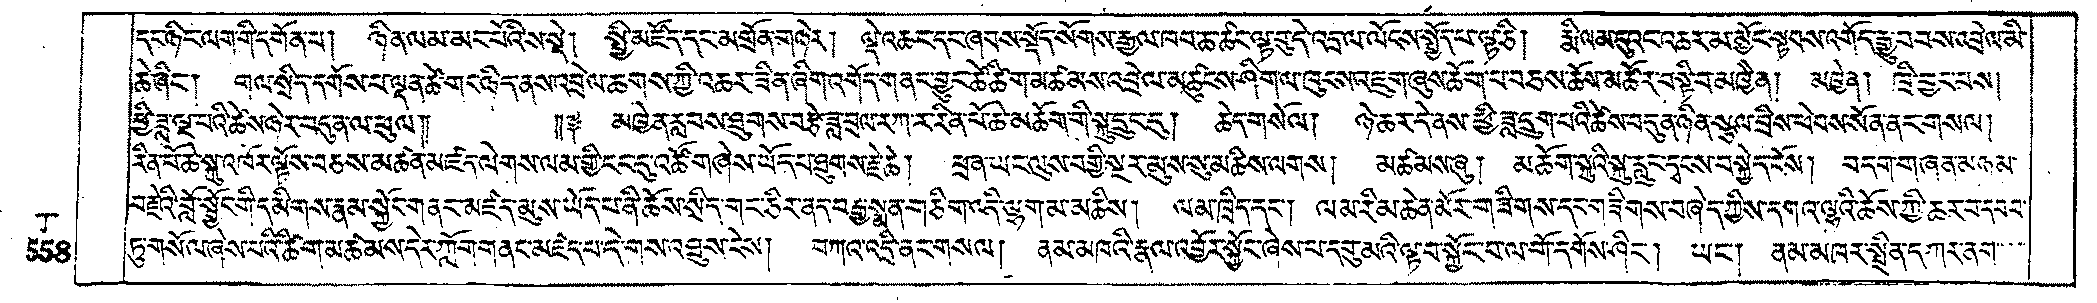དང་ཉིང་ལག་གི་དགོན་པ། ཉིན་ལམ་མང་པོའི་ས་སྡེ། སྤྱི་མཛོད་དང་མགྲོན་གཉེར། ལྡེ་འཆང་དང་ཞབས་སྡོད་སོགས་རྒྱལ་ཁབ་ཆ་ཚང་ལྟ་བུ་དེ་འདྲ་ལ་ལོངས་སྤྱོད་པ་ལྟ་ཅི། རྨི་ལམ་དུའང་འཆར་མ་མྱོང་སྟབས་འགོད་རྒྱུ་བབས་འབྲེལ་མི་
ཆེ་ཞིང་། གལ་སྲིད་དགོས་པ་ལྡན་ཚེ་གང་ཉིད་ནས་འབྲེལ་ཆགས་ཀྱི་འཆར་ཟིན་ཞིག་འགོད་གནང་བྱུང་ཚེ་ཚིག་མཚམས་འབྲེལ་མཚུངས་ཤིག་ལ་ཁུངས་འཇུག་ཞུས་ཆོག་པ་བཅས་ཆོས་མཚོར་བསྟི་བ་མཁྱཻན། མཁྱེན། ཁྲི་བྱང་པས།
ཕྱི་ཟླ་ལྔ་པའི་ཚེས་ཉེར་བདུན་ལ་ཕུལ།། །། འ་མཁྱེན་རླབས་ཐུགས་བརྩེ་ཟླ་བྲལ་རཀ་ར་རིན་པོ་ཆེ་མཆོག་གི་སྐུ་དྲུང་དུ། ཆེད་གསོལ། ཉེ་ཆར་དེ་ནས་ཕྱི་ཟླ་དྲུག་པའི་ཚེས་བདུན་ཉིན་སྩལ་བྲིས་ཕེབས་སོན་ནང་གསལ།
རིན་པོ་ཆེ་སྐུ་འཁོར་ལྟོས་བཅས་མཚན་མཛད་ལེགས་ལམ་གྱི་ངང་དུ་འཚོ་གཞེས་ཡོད་པ་ཐུགས་རྗེ་ཆེ། ཕྲན་ཡང་ལུས་བགྱི་སྔར་མུས་སུ་མཆིས་ལགས། མཚམས་ཞུ། མཆོག་སྐུའི་སྐུ་རླུང་དྭངས་བསྐྱེད་ངོས། བདག་གཞན་མཉམ་
བརྗེའི་བློ་སྦྱོང་གི་དམིགས་རྣམ་སྐྱོང་གནང་མཛད་མུས་ཡོད་པ་ནི་ཆོས་སྲིད་གང་ཅིར་ནད་བརྒྱ་སྨན་གཅིག་འདི་ལྷག་མ་མཆིས། ལམ་ཁྲིད་དང་། ལམ་རིམ་ཆེན་མོར་གཟིགས་དང་གཟིགས་བཞེད་ཀྱིས་དགའ་ལྷའི་ཆོས་ཀྱི་ཆར་བ་དབབ་
ཏུ་གསོལ་ཞེས་པའི་ཚིག་མཚམས་དེར་ཀློག་གནང་མཛད་པ་དེ་གས་འཐུས་ངེས། བཀའ་འདྲི་ནང་གསལ། ནམ་མཁའི་རྣལ་འབྱོར་སྐྱོང་ཞེས་པ་དབུ་མའི་ལྟ་བ་སྐྱོང་བ་ལ་གོ་དགོས་ཤིང་། ཡང་། ནམ་མཁར་སྤྲིན་དཀར་ནག་་་